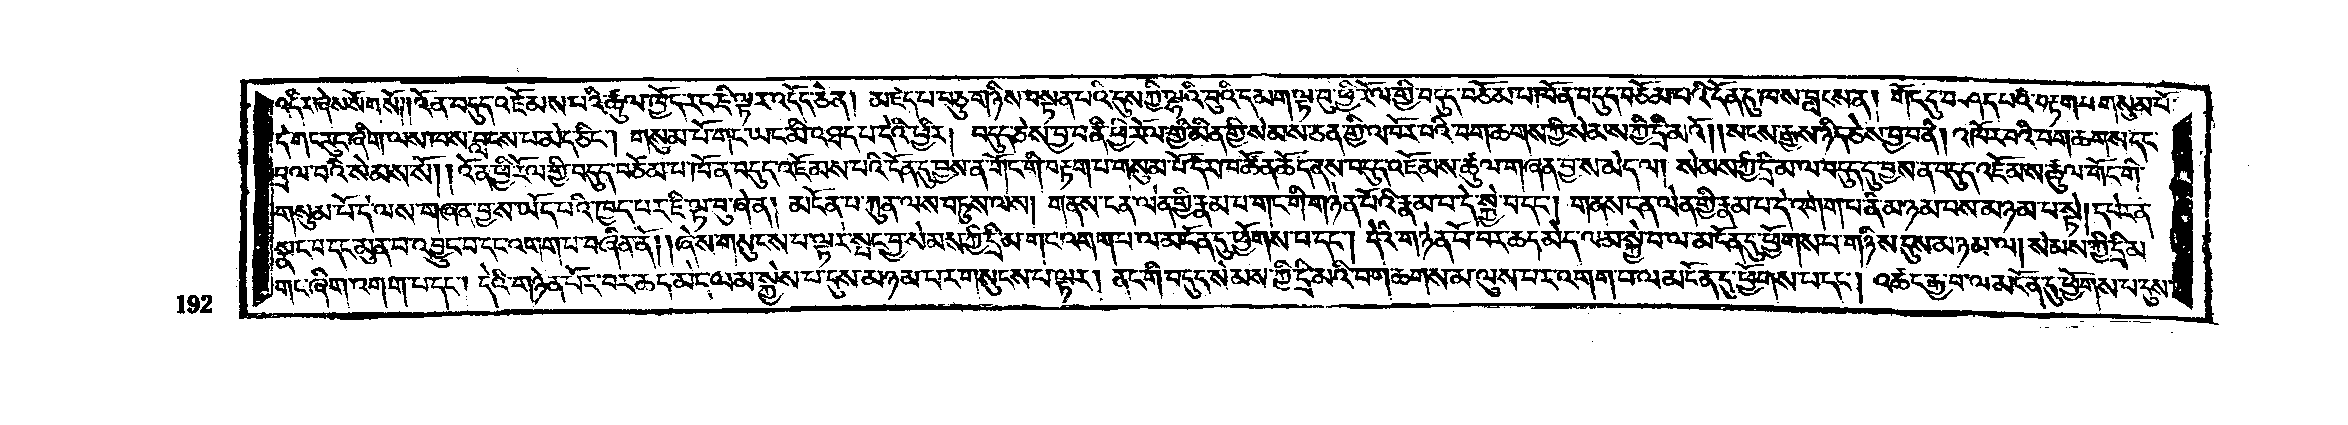འདིར་ཞེས་སོགས་སོ། །འོན་བདུད་འཇོམས་པའི་ཚུལ་ཁྱོད་རང་ཇི་ལྟར་འདོད་ཅེ་ན། མཛད་པ་བཅུ་གཉིས་བསྟན་པའི་དུས་ཀྱི་ལྷའི་བུའི་དམག་ལྟ་བུ་ཕྱི་རོལ་གྱི་བདུད་བཅོམ་པ་ཁོ་ན་བདུད་བཅོམ་པའི་དོན་དུ་ཁས་བླངས་ན། གོང་དུ་བཤད་པའི་བརྟག་པ་གསུམ་པོ་
དེ་གང་རུང་ཞིག་ལས་ཁས་བླངས་པ་མེད་ཅིང་། གསུམ་པོ་གང་ཡང་མི་འཐད་པ་དེའི་ཕྱིར། བདུད་ཅེས་བྱ་བ་ནི་ཕྱི་རོལ་གྱི་མིན་གྱི་སེམས་ཅན་གྱི་འཁོར་བའི་བག་ཆགས་ཀྱི་སེམས་ཀྱི་དྲི་མའོ། །སངས་རྒྱས་ཉིད་ཅེས་བྱ་བ་ནི། འཁོར་བའི་བག་ཆགས་དང་
བྲལ་བའི་སེམས་སོ། །འོ་ན་ཕྱི་རོལ་གྱི་བདུད་བཅོམ་པ་ཁོ་ན་བདུད་འཇོམས་པའི་དོན་དུ་བྱས་ན་གོང་གི་བརྟག་པ་གསུམ་པོ་དེར་ཁ་ཚོན་ཆོད་ནས་བདུད་འཇོམས་ཚུལ་གཞན་བྱ་ས་མེད་ལ། སེམས་ཀྱི་དྲི་མ་ལ་བདུད་དུ་བྱས་ན་བདུད་འཇོམས་ཚུལ་གོང་གི་
གསུམ་པོ་དེ་ལས་གཞན་བྱས་ཡོད་པའི་ཁྱད་པར་ཇི་ལྟ་བུ་ཞེ་ན། མངོན་པ་ཀུན་ལས་བཏུས་ལས། གནས་ངན་ལེན་གྱི་རྣམ་པ་གང་གི་གཉེན་པོའི་རྣམ་པ་དེ་སྐྱེ་བ་དང་། གནས་ངན་ལེན་གྱི་རྣམ་པ་དེ་འགག་པ་ནི་མཉམ་པས་མཉམ་པ་སྟེ། དཔེར་ན་
སྣང་བ་དང་མུན་པ་འབྱུང་བ་དང་འགག་པ་བཞིན་ནོ། །ཞེས་གསུངས་པ་ལྟར་སྤང་བྱ་སེམས་ཀྱི་དྲི་མ་གང་འགག་པ་ལ་མངོན་དུ་ཕྱོགས་པ་དང་། དེའི་གཉེན་པོ་བར་ཆད་མེད་ལམ་སྐྱེ་བ་ལ་མངོན་དུ་ཕྱོགས་པ་གཉིས་དུས་མཉམ་ལ། སེམས་ཀྱི་དྲི་མ་
གང་ཞིག་འགག་པ་དང་། དེའི་གཉེན་པོར་བར་ཆད་མེད་ལམ་སྐྱེས་པ་དུས་མཉམ་པར་གསུངས་པ་ལྟར། ནང་གི་བདུད་སེམས་ཀྱི་དྲི་མའི་བག་ཆགས་མ་ལུས་པར་འགག་པ་ལ་མངོན་དུ་ཕྱོགས་པ་དང་། འཚང་རྒྱ་བ་ལ་མངོན་དུ་ཕྱོགས་པ་དུས་